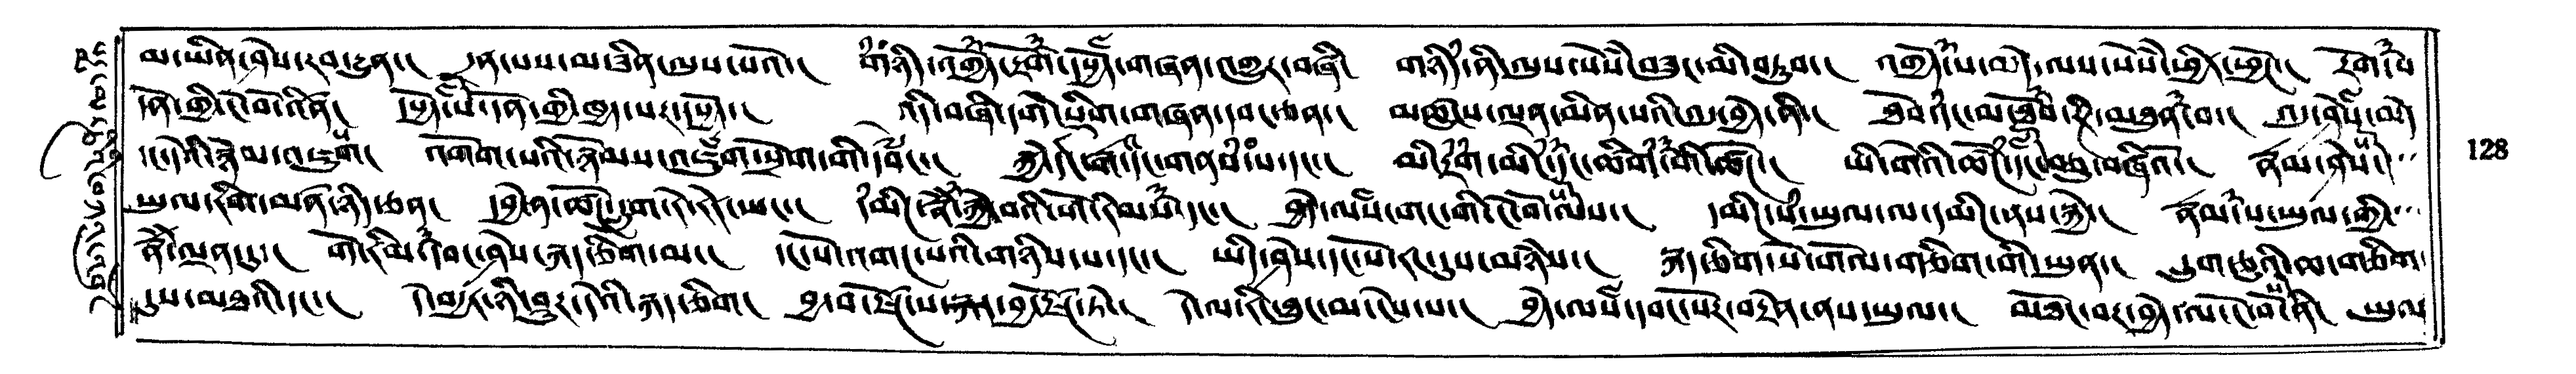མ་ཡིན་ཤེས་རབ་རྒྱུན། །དྲན་པས་མ་ཟིན་ལུས་པའོ། །གཉིད་འགྱོད་རྟོག་དཔྱོད་གཞན་འགྱུར་བཞི། །གཉིད་ནི་ལུས་སེམས་བཟུང་མི་བཏུབ། །འགྱོད་པ་མེད་ལས་སེམས་ཕྱིར་ཕྱོགས། །རེག་པ་
དོན་གྱི་ངོ་བོ་འཛིན། །དཔྱོད་པ་དོན་གྱི་ཁྱད་པར་དཔྱོད། །འདི་བཞི་དགེ་སྡིག་གཞན་དབང་ཅན། །མཚུངས་ལྡན་མིན་པའི་འདུ་བྱེད་ནི། །ཐོབ་དང་མ་ཐོབ་རིགས་མཐུན་པ། །འདུ་ཤེས་མེད་
དང་དེའི་སྙོམས་འཇུག འགོག་པའི་སྙོམས་འཇུག་སྲོག་གི་དབང་། །སྐྱེ་དང་རྒ་དང་གནས་པ་དང་། །མི་རྟག་མིང་དང་ཚིག་གི་ཚོགས། །ཡི་གེའི་ཚོགས་དང་བཅུ་བཞིའོ། །རྣམ་ཤེས་
ཡུལ་རིག་མཚན་ཉིད་ཅན། །དབྱེ་ན་ཚོགས་དྲུག་རེ་རེར་ཡང་། །དམིགས་རྣམ་སྐྱེ་བའི་གོ་རིམ་དང་། །བྱེད་ལས་གང་གི་ངོ་བོ་ལས། །དམིགས་པ་ཡུལ་ལ་དམིགས་ནས་སྐྱེ། །རྣམ་པ་ཡུལ་གྱི་
རྣམ་ལྡན་དུ། །གོ་རིམ་དབང་ཤེས་སྐད་ཅིག་མ། །དང་པོ་འགགས་པའི་གཉིས་པ་དང་། །ཡིད་ཤེས་དང་པོ་རང་དུས་མཉམས། །སྐད་ཅིག་སེ་གོལ་གཅིག་གི་ཡུན། །དྲུག་ཅུའི་ཆ་གཅིག་
དུས་མཐའི་དང་། །དེ་བརྒྱ་ཉི་ཤུར་དེའི་སྐད་ཅིག།བྱ་བ་རྫོགས་པ་བྱ་རྫོགས་ཏེ། །དེ་ལ་རིང་ཐུང་མ་ངེས་པ། །བྱེད་ལས་དབང་པོར་བརྟེན་ནས་ཡུལ། །མཐོང་བར་བྱེད་ལ་ངོ་བོ་ནི། །ཡུལ་